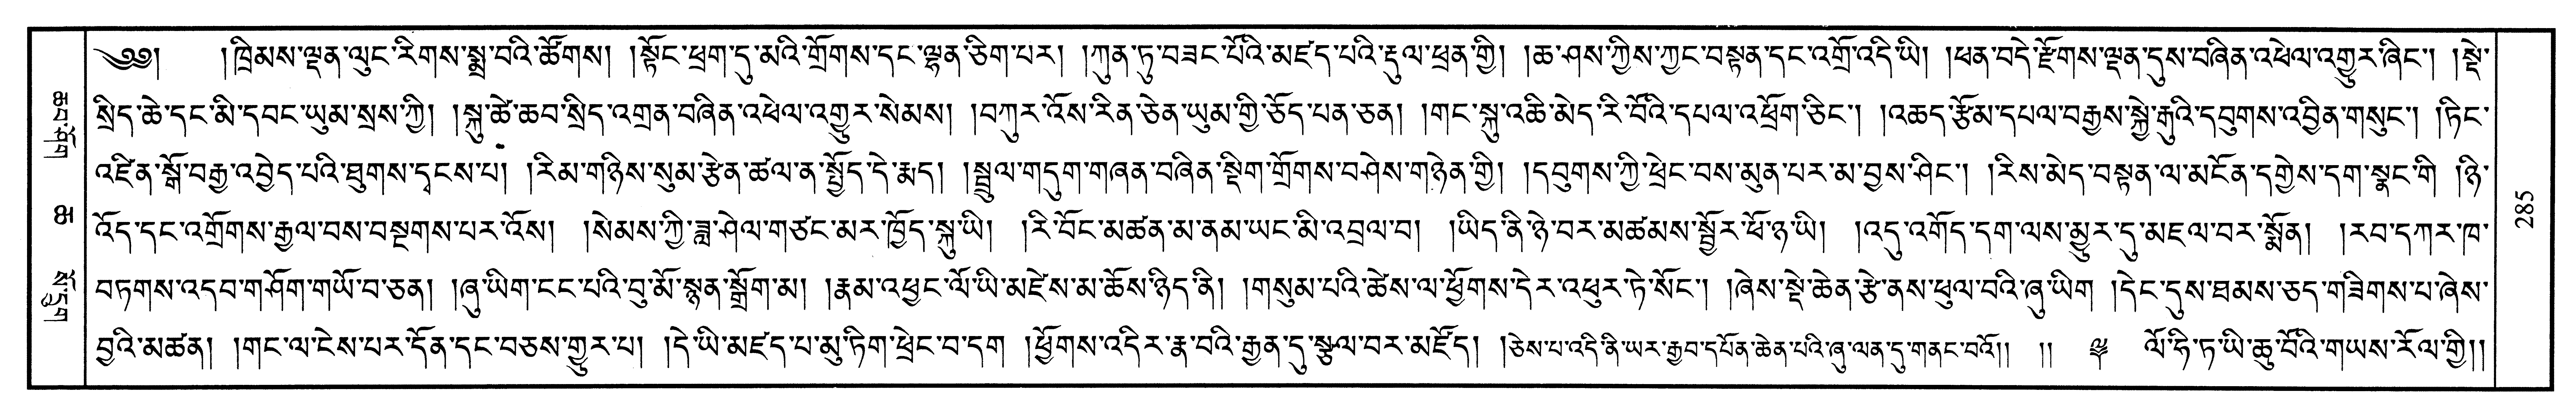༄༅། །ཁྲིམས་ལྡན་ལུང་རིགས་སྨྲ་བའི་ཚོགས། །སྟོང་ཕྲག་དུ་མའི་གྲོགས་དང་ལྷན་ཅིག་པར། །ཀུན་ཏུ་བཟང་པོའི་མཛད་པའི་རྡུལ་ཕྲན་གྱི། །ཆ་ཤས་ཀྱིས་ཀྱང་བསྟན་དང་འགྲོ་འདི་ཡི། །ཕན་བདེ་རྫོགས་ལྡན་དུས་བཞིན་འཕེལ་འགྱུར་ཞིང་། །སྡེ་
སྲིད་ཆེ་དང་མི་དབང་ཡུམ་སྲས་ཀྱི། །སྐུ་ཚེ་ཆབ་སྲིད་འགྲན་བཞིན་འཕེལ་འགྱུར་སེམས། །བཀུར་འོས་རིན་ཅེན་ཡུམ་གྱི་ཅོད་པན་ཅན། །གང་སྐུ་འཆི་མེད་རི་བོའི་དཔལ་འཕྲོག་ཅིང་། །འཆད་རྩོམ་དཔལ་བརྒྱས་སྐྱེ་རྒུའི་དབུགས་འབྱིན་གསུང་། །ཏིང་
འཛིན་སྒོ་བརྒྱ་འབྱེད་པའི་ཐུགས་དྭངས་པ། །རིམ་གཉིས་སུམ་རྩེན་ཚལ་ན་སྤྱོད་དེ་རྨད། །སྦྲུལ་གདུག་གཞན་བཞིན་སྡིག་གྲོགས་བཤེས་གཉེན་གྱི། །དབུགས་ཀྱི་ཕྲེང་བས་མུན་པར་མ་བྱས་ཤིང་། །རིས་མེད་བསྟན་ལ་མངོན་དགྱེས་དག་སྣང་གི །ཉི་
འོད་དང་འགྲོགས་རྒྱལ་བས་བསྔགས་པར་འོས། །སེམས་ཀྱི་ཟླ་ཤེལ་གཙང་མར་ཁྱོད་སྐུ་ཡི། །རི་བོང་མཚན་མ་ནམ་ཡང་མི་འབྲལ་བ། །ཡིད་ནི་ཉེ་བར་མཚམས་སྦྱོར་ཕོ་ཉ་ཡི། །འདུ་འགོད་དག་ལས་མྱུར་དུ་མཇལ་བར་སྨོན། །རབ་དཀར་ཁ་
བཏགས་འདབ་གཤོག་གཡོ་བ་ཅན། །ཞུ་ཡིག་ངང་པའི་བུ་མོ་སྙན་སྒྲོག་མ། །རྣམ་འཕྱང་ལོ་ཡི་མཛེས་མ་ཆོས་ཉིད་ནི། །གསུམ་པའི་ཚེས་ལ་ཕྱོགས་དེར་འཕུར་ཏེ་སོང་། །ཞེས་སྡེ་ཆེན་རྩེ་ནས་ཕུལ་བའི་ཞུ་ཡིག །དེང་དུས་ཐམས་ཅད་གཟིགས་པ་ཞེས་
བྱའི་མཚན། །གང་ལ་ངེས་པར་དོན་དང་བཅས་གྱུར་པ། །དེ་ཡི་མཛད་པ་མུ་ཏིག་ཕྲེང་བ་དག །ཕྱོགས་འདིར་རྣ་བའི་རྒྱན་དུ་སྩལ་བར་མཛོད། །ཅེས་པ་འདི་ནི་ཡར་རྒྱབ་དཔོན་ཆེན་པའི་ཞུ་ལན་དུ་གནང་བའོ།། །། ༈ ལོ་ཧི་ཏ་ཡི་ཆུ་བོའི་གཡས་རོལ་གྱི།།